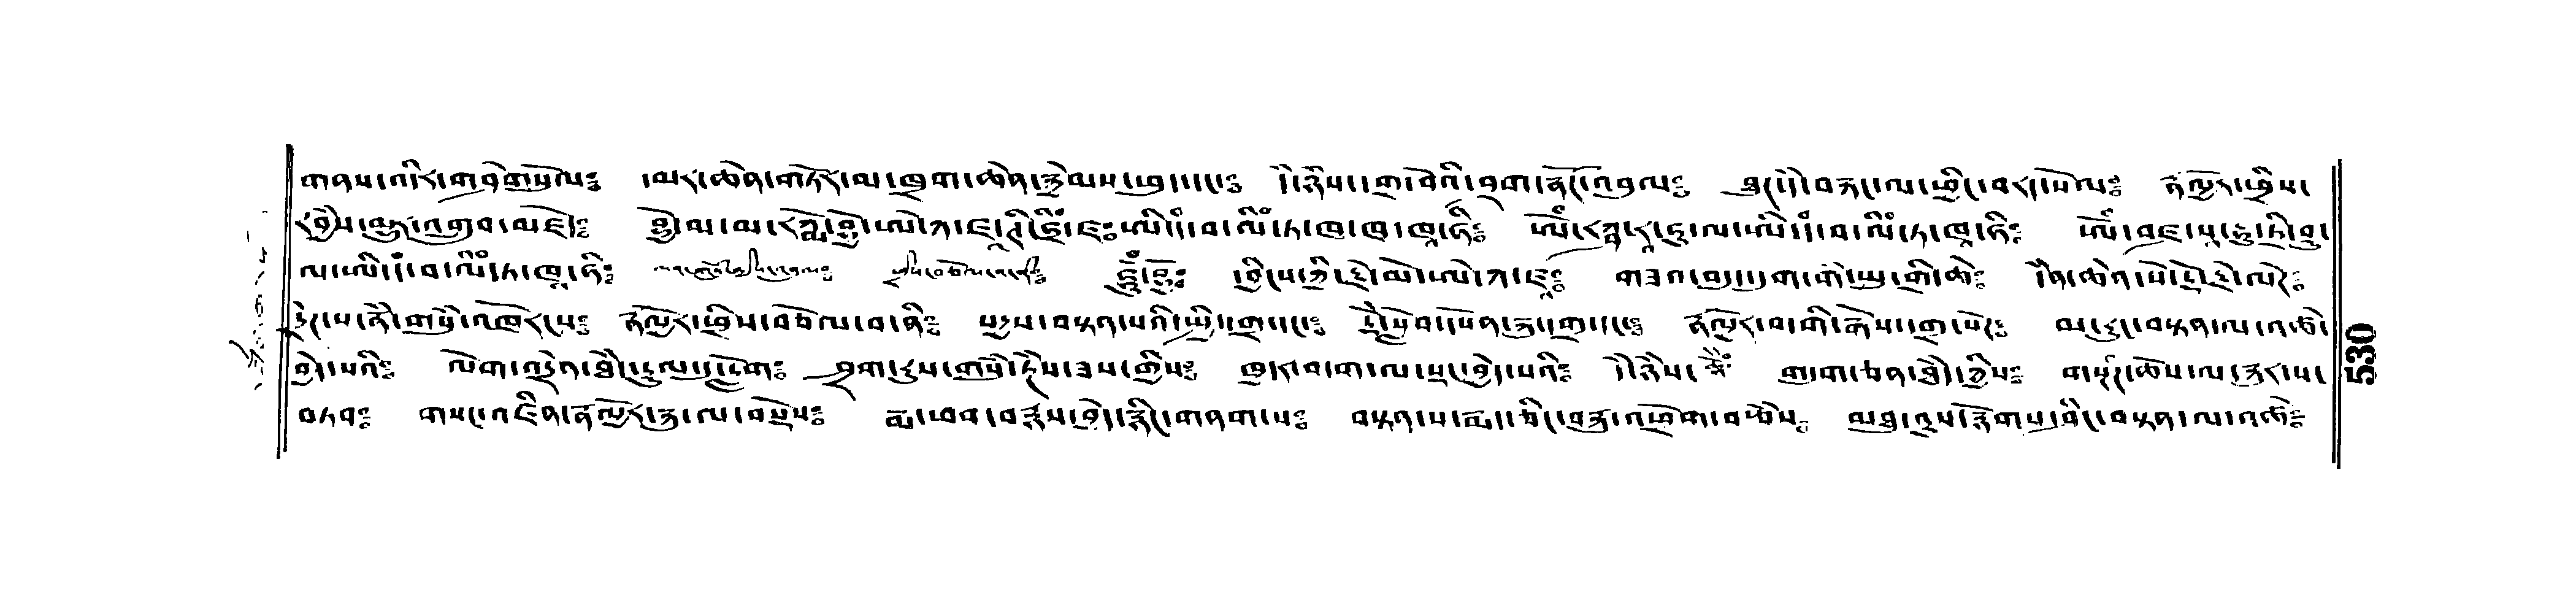གནས་འདིར་གཤེགས་སུ་གསོལ༔ དམར་ཆེན་གཏོར་མ་ཁྲག་ཆེན་སྐྱེམས་ཕུད་དང༔ དམ་ཉམས་དགྲ་བོའི་ཤ་ཁྲག་སྣ་ཚོགས་འབུལ༔ ཐུགས་དམ་བསྐང་ལ་ཕྱི་ནང་བར་ཆད་སོལ༔ རྣལ་འབྱོར་ཕྲིན་
ལས་རབ་འབྱམས་མྱུར་འགྲུབ་མཛོད༔ བྷྱོ་མ་མ་རཀྨོ་བྷྱོ་ཨེ་ཀ་ཛཱ་ཊི་ཧྲིཾ་ཛཿཨི་དཾ་བ་ལིཾ་ཏ་ཁ་ཁ་ཁཱ་ཧི༔ ཨོཾ་རཀྴ་རཱ་ཧུ་ལ་ཨི་དཾ་བ་ལིཾ་ཏ་ཁཱ་ཧི༔ ཨོཾ་བཛྲ་སཱ་དྷུ་ཏྲི་ཤུ་
ལ་ཨི་དཾ་བ་ལིཾ་ཏ་ཁཱ་ཧི༔ ལན་གསུམ་གྱིས་འབུལ༔ ཕྲིན་ལས་བཅོལ་བ་ནི༔ཧཱུྃ་བྷྱོཿ དབྱིངས་ཀྱི་རྗེ་མོ་ཨེ་ཀ་ཛཱ༔ གཟའ་བདུད་དུག་གི་སྤུ་གྲི་ཆེ༔ དམ་ཅན་ཆེན་པོ་རྡོ་རྗེ་ལེགས༔ 
དྲེགས་པ་རྣམ་གསུམ་འཁོར་དང་བཅས༔ རྣལ་འབྱོར་ཕྲིན་ལས་བཅོལ་བ་ནི༔ སངས་རྒྱས་བསྟན་པའི་སྤྱི་དགྲ་དང༔ རྡོ་རྗེ་སློབ་དཔོན་སྐུ་དགྲ་དང༔ རྣལ་འབྱོར་བདག་གི་སྒོས་དགྲ་སོགས༔ མ་རུང་བསྟན་ལ་འཚེ་
བྱེད་པའི༔ ལོག་འདྲེན་ཐམས་ཅད་རྡུལ་དུ་རློག༔ ཤ་ཁྲག་རུས་གསུམ་རྔམས་ཟས་གྱིས༔ ཁྱད་པར་བདག་ལ་སྡང་བྱེད་པའི༔ དམ་ཉམས་གདུག་ཅན་ཐམས་ཀྱིས༔ གསང་སྔགས་ཆོས་ལ་སྐུར་པ་བཏབ༔ གསང་འཛིན་རྣལ་འབྱོར་སྐུ་ལ་
བསྡོས༔ སྨ་ཕབ་བརྙས་བྱེད་སྙིང་གནག་པ༔ བསྟན་པ་སྨད་ཅིང་བརྐུ་འཕྲོག་བརྩམས༔ མཐུ་ནུས་སྙོགས་ཤིང་བསྟན་ལ་འཚེ༔